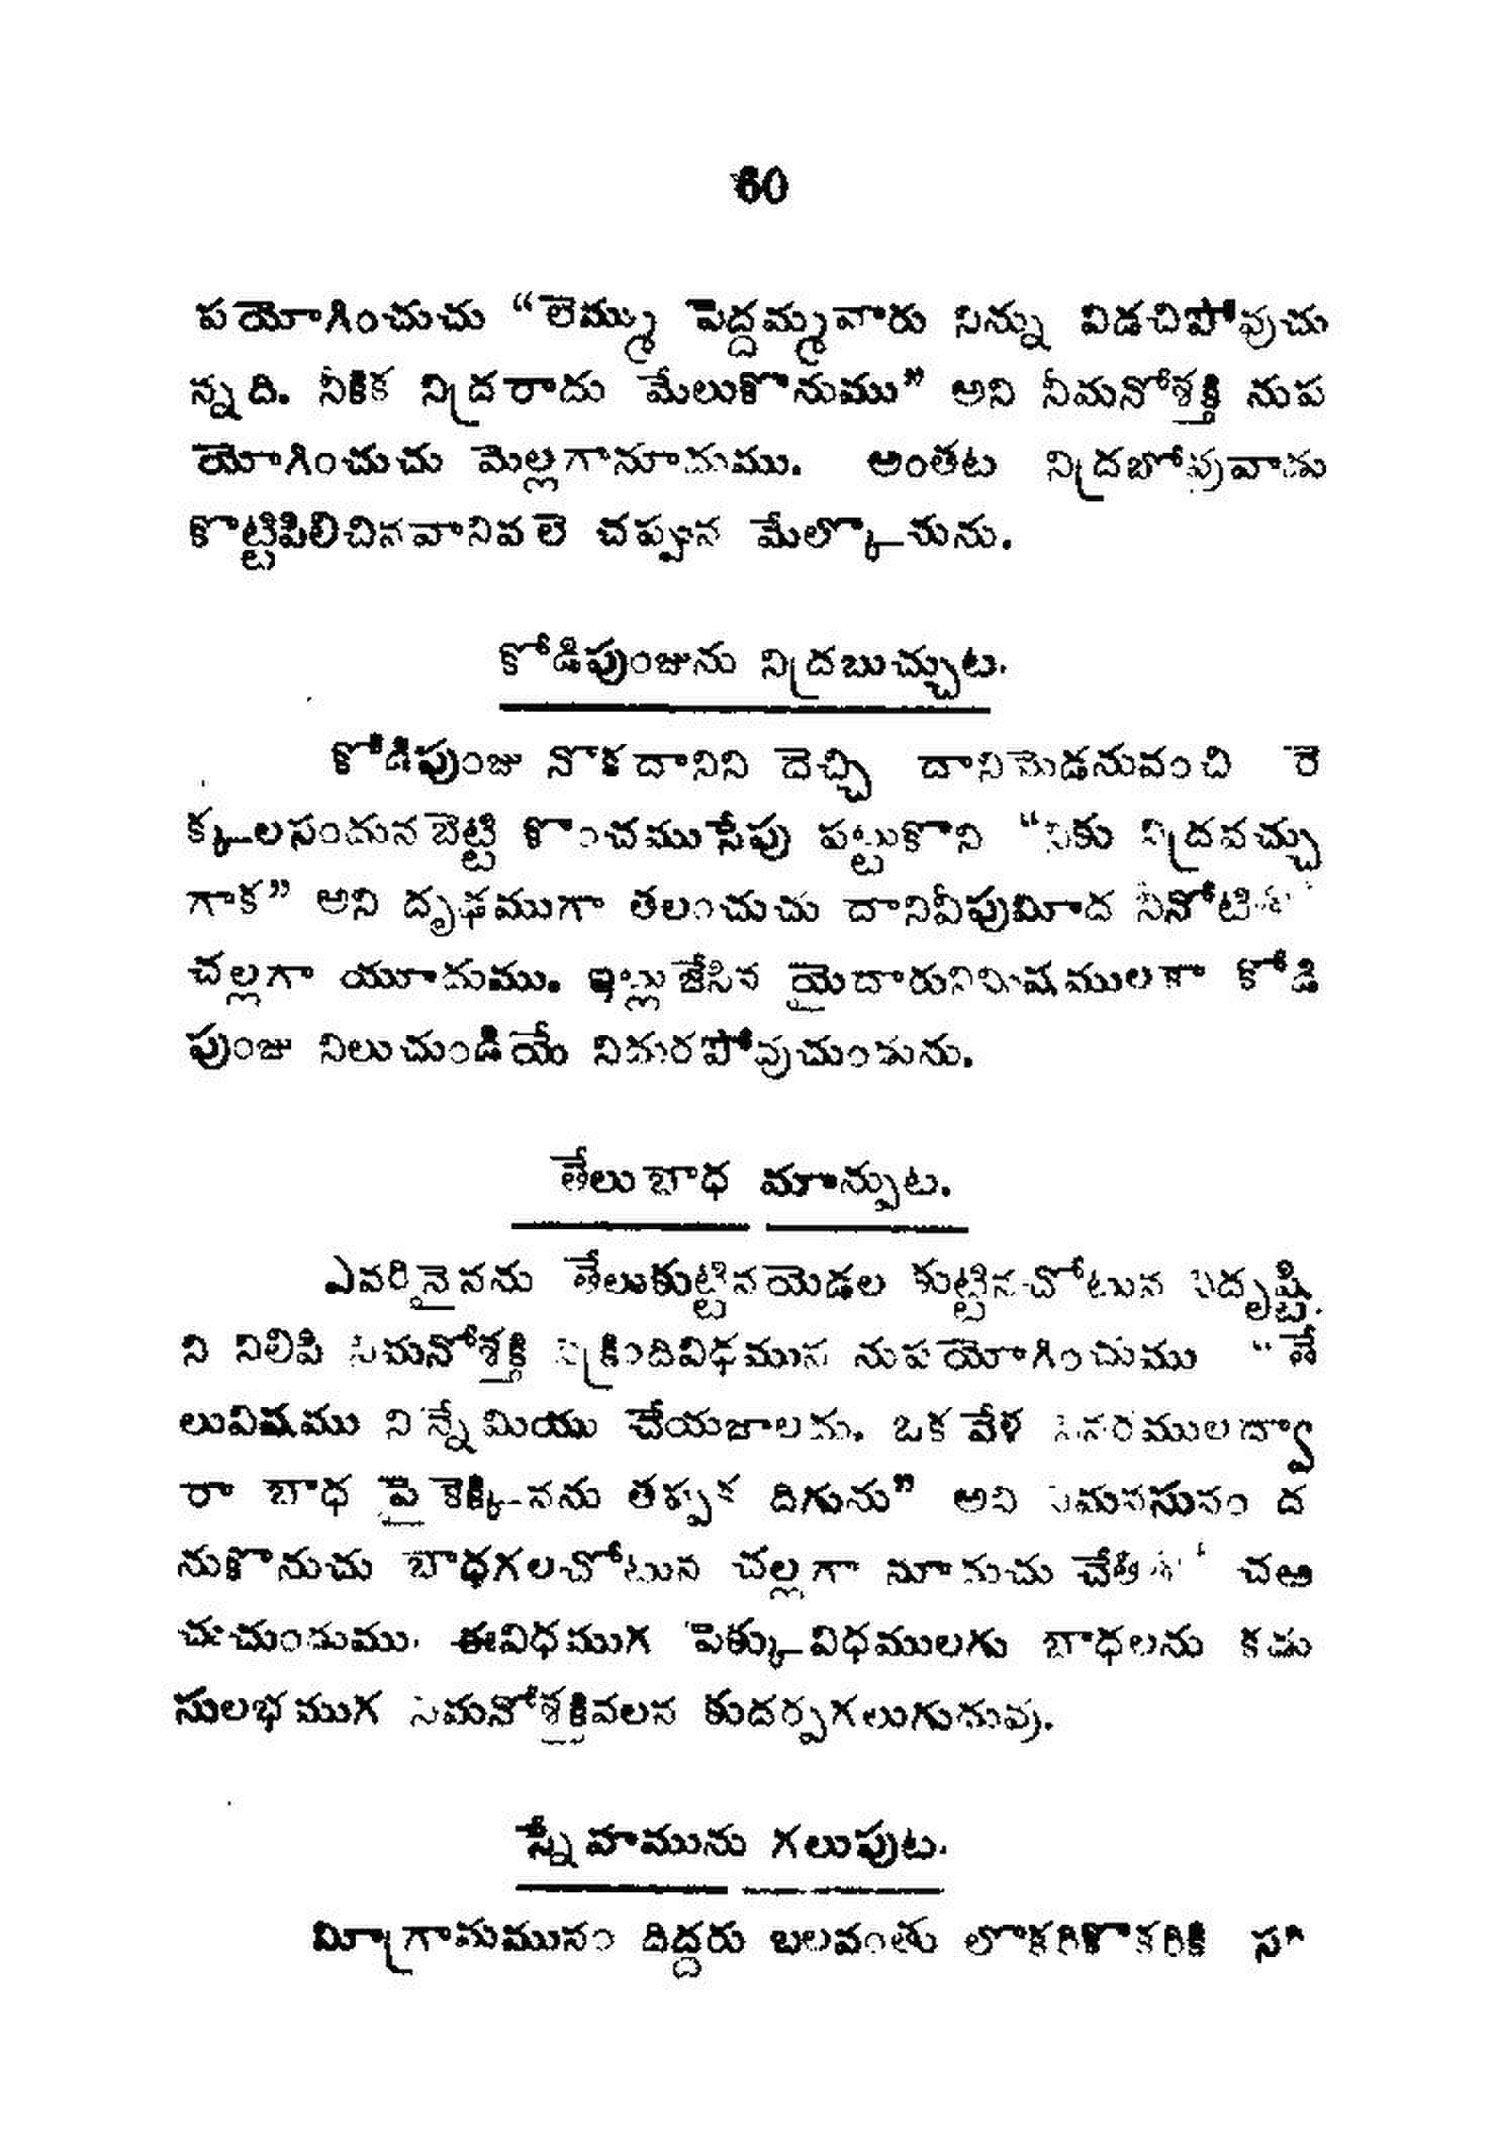పయోగించుచు “లెమ్ము పెద్దమ్మవారు నిన్ను విడచిపోవుచున్నది. నీకిక నిద్రరాదు మేలుకొనుము" అని నీమనోశక్తి నుపయోగించుచు మెల్లగానూదుము. అంతట నిద్రబోపువాడు కొట్టిపిలిచినవానివలె చప్పున మేల్కొనును.

కోడిపుంజు నొకదానిని దెచ్చి దానిమెడనువంచి రెక్కలసందునబెట్టి కొంచముసేపు పట్టుకొని “నీకు నిద్రవచ్చుగాక” అని దృఢముగా తలంచుచు దానివీపుమీద నీనోటితో చల్లగా యూదుము. ఇట్లుజేసిన యైదారునిమిషములకా కోడిపుంజు నిలుచుండియే నిదురపోవుచుండును.

ఎవరినైనను తేలుకుట్టినయెడల కుట్టినచోటున నీదృష్టిని నిలిపి నీమనోశక్తి నీక్రిందివిధమున నుపయోగించుము "తేలువిషము నిన్నేమియు చేయజాలదు. ఒకవేళ నరములద్వారా బాధ పైకెక్కినను తప్పక దిగును" అని నీమనసునందనుకొనుచు బాధగలచోటున చల్లగా సూదుచు చేతితో
చుఱచుచుండుము. ఈవిధముగ పెక్కు విధములగు బాధలను కడు సులభముగ నీమనోశక్తివలన కుదర్పగలుగుదువు.

మీగ్రామమునం దిద్దరు బలవంతు లొకరికొకరికి సరి